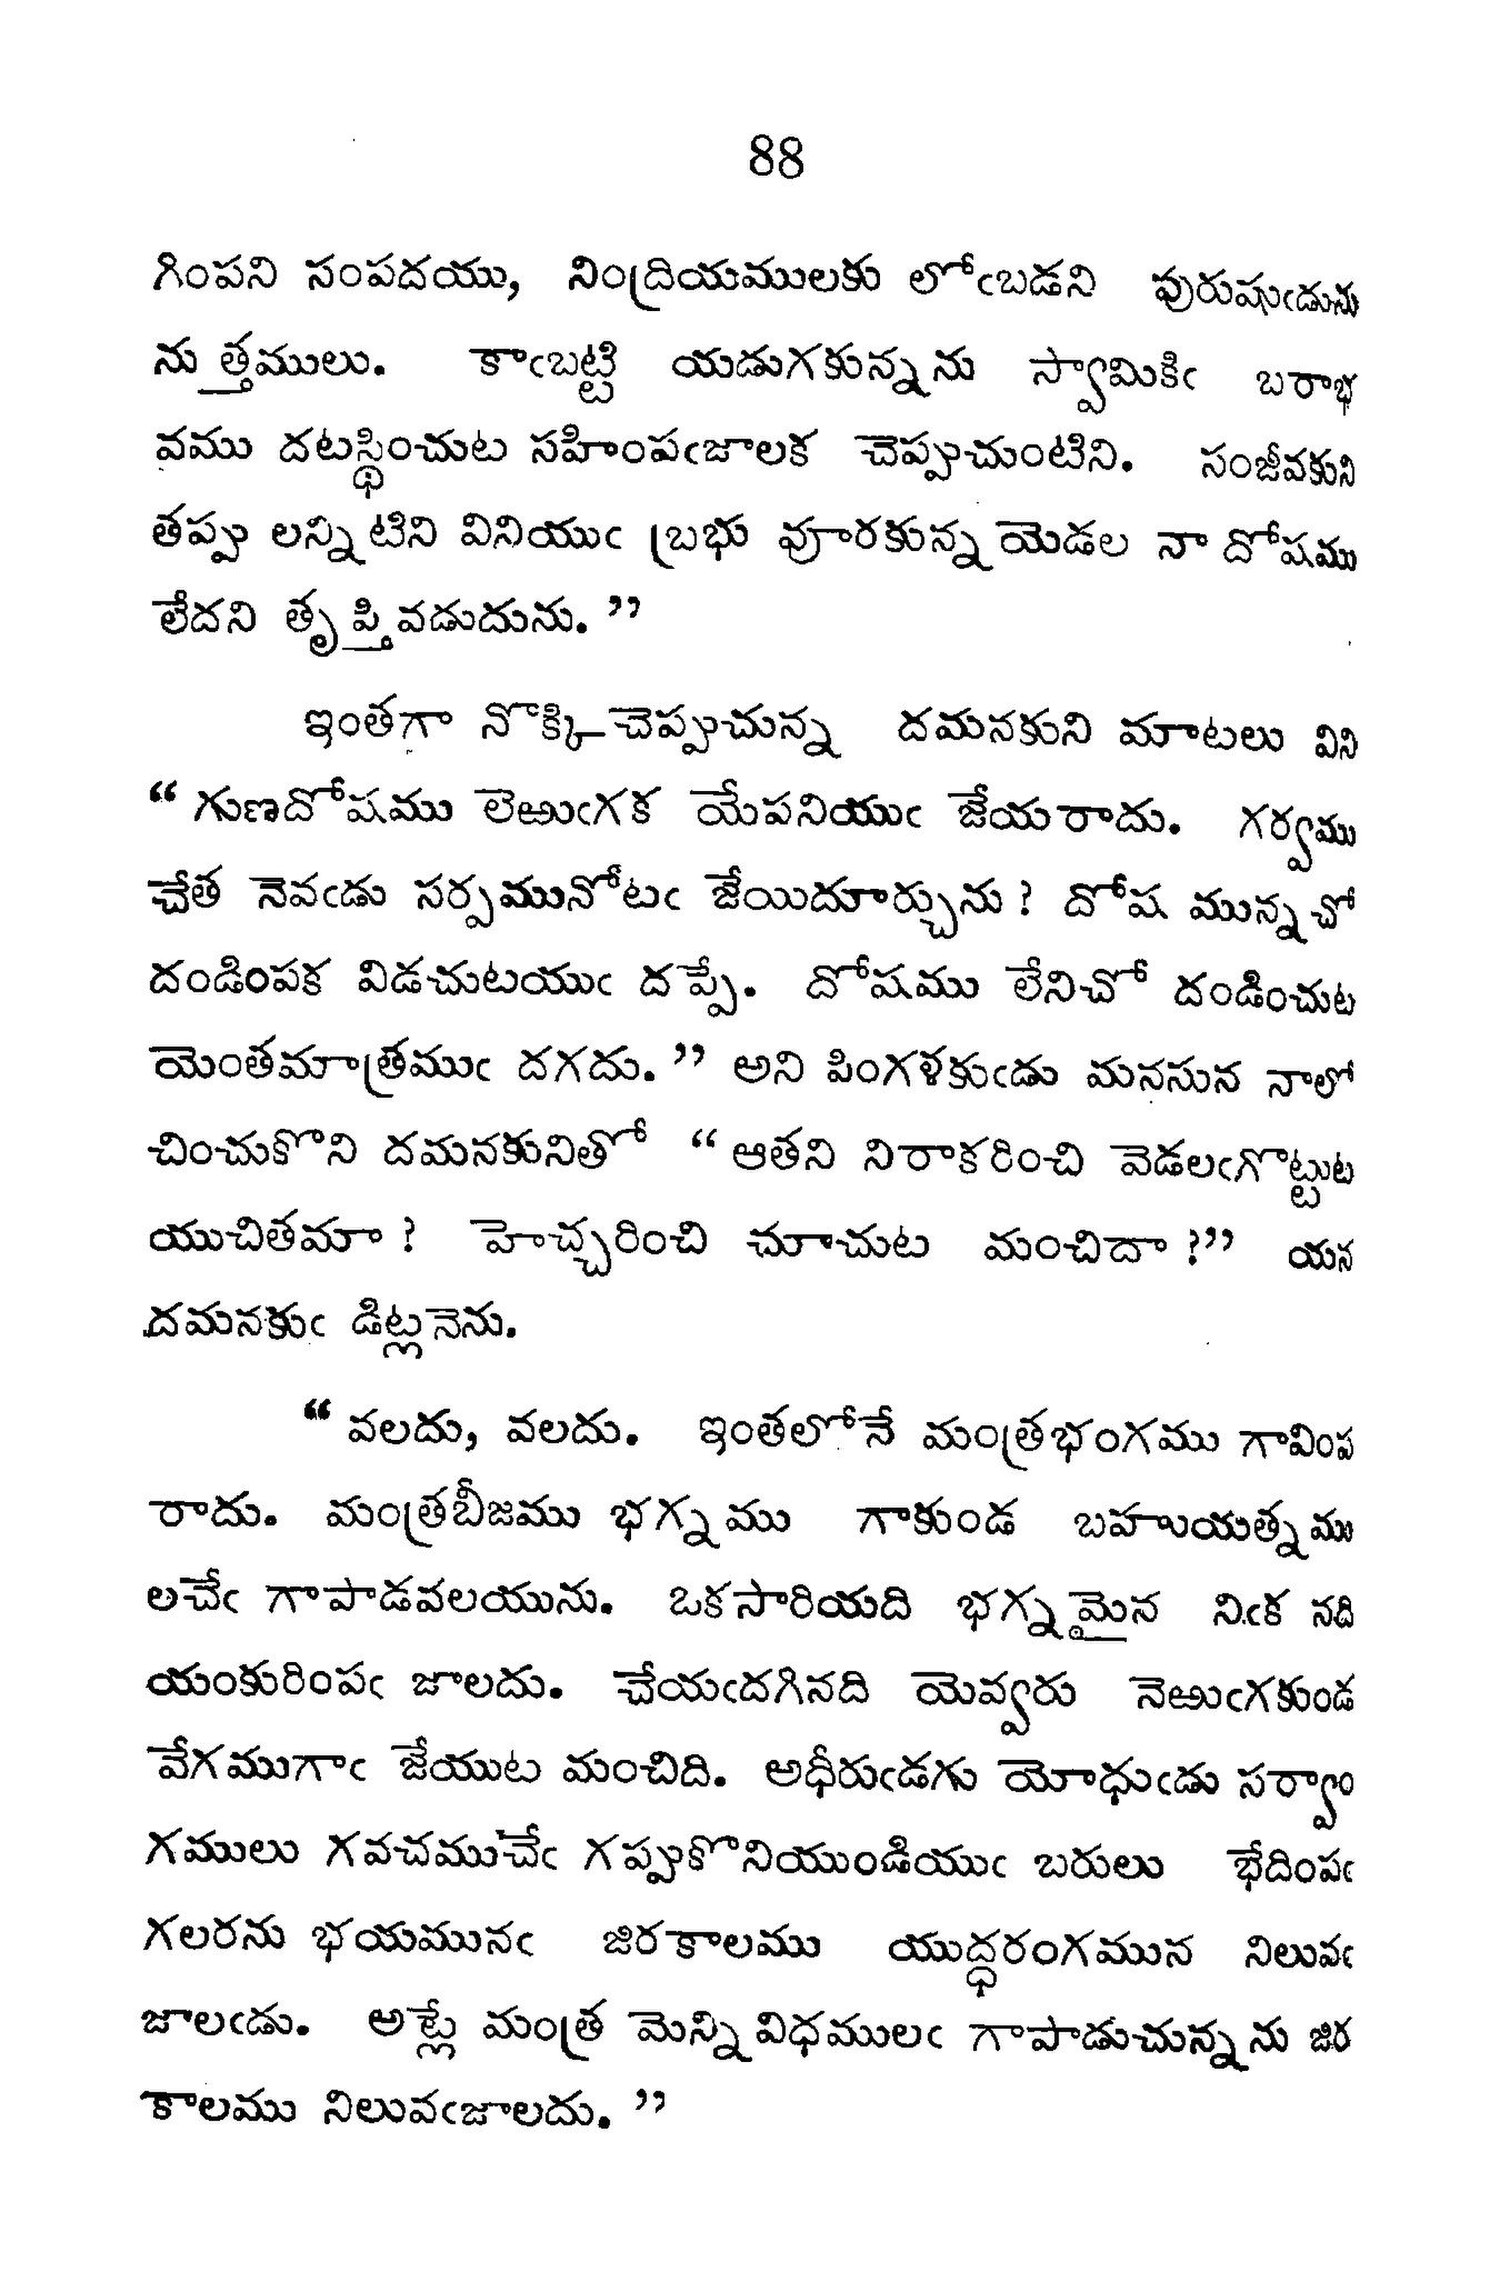గింపని సంపదయు, నింద్రియములకు లోబడని పురుషుడును నుత్తములు. కాబట్టి యడుగకున్నను స్వామికి బరాభవము దటస్థించుట సహింపజాలక చెప్పుచుంటుని. సంజీవకుని తప్పు లన్నిటిని వినియు బ్రభు వూరకున్న యెడల నాదోషము లేదని తృప్తివడుదును."

ఇంతగా నొక్కిచెప్పుచున్న దమనకుని మాటలు విని "గుణదోషము లెఱుగక యేపనియు జేయరాదు. గర్వము చేత నెవడు సర్పమునోట జేయిదూర్చును? దోష మున్నచో దండింపక విడుచుటయు దప్పే. దోషము లేనిచో దండించుట యెంతమాత్రము దగదు." అని పింగళకుడు మనసున నాలోచించుకొని దమనకునితో "అతని నిరాకరించి వెడలగొట్టుట యుచితమా? హెచ్చరించి చూచుట మంచిదా?" యన దమనకు డిట్లనెను.

"వలదు, వలదు. ఇంతలోనే మంత్రభంగము గావింపరాదు. మంత్రబీజము భగ్నము గాకుండ బహుయత్నములచే గాపాడవలయును. ఒకసారియది భగ్నమైన నిక నది యంకురింప జాలదు. చేయదగినది యెవ్వరు నెఱుగకుండ వేగముగా జేయుట మంచిది. అధీరుడగు యోధుడు సర్వాంగములు గవచముచే గప్పుకొనియుండియు బరులు భేదింప గలరను భయమున జిరకాలము యుద్ధరంగమున నిలువ జాలడు. అట్లే మంత్ర మెన్నివిధముల గాపాడుచున్నను జిరకాలము నిలువజాలదు."